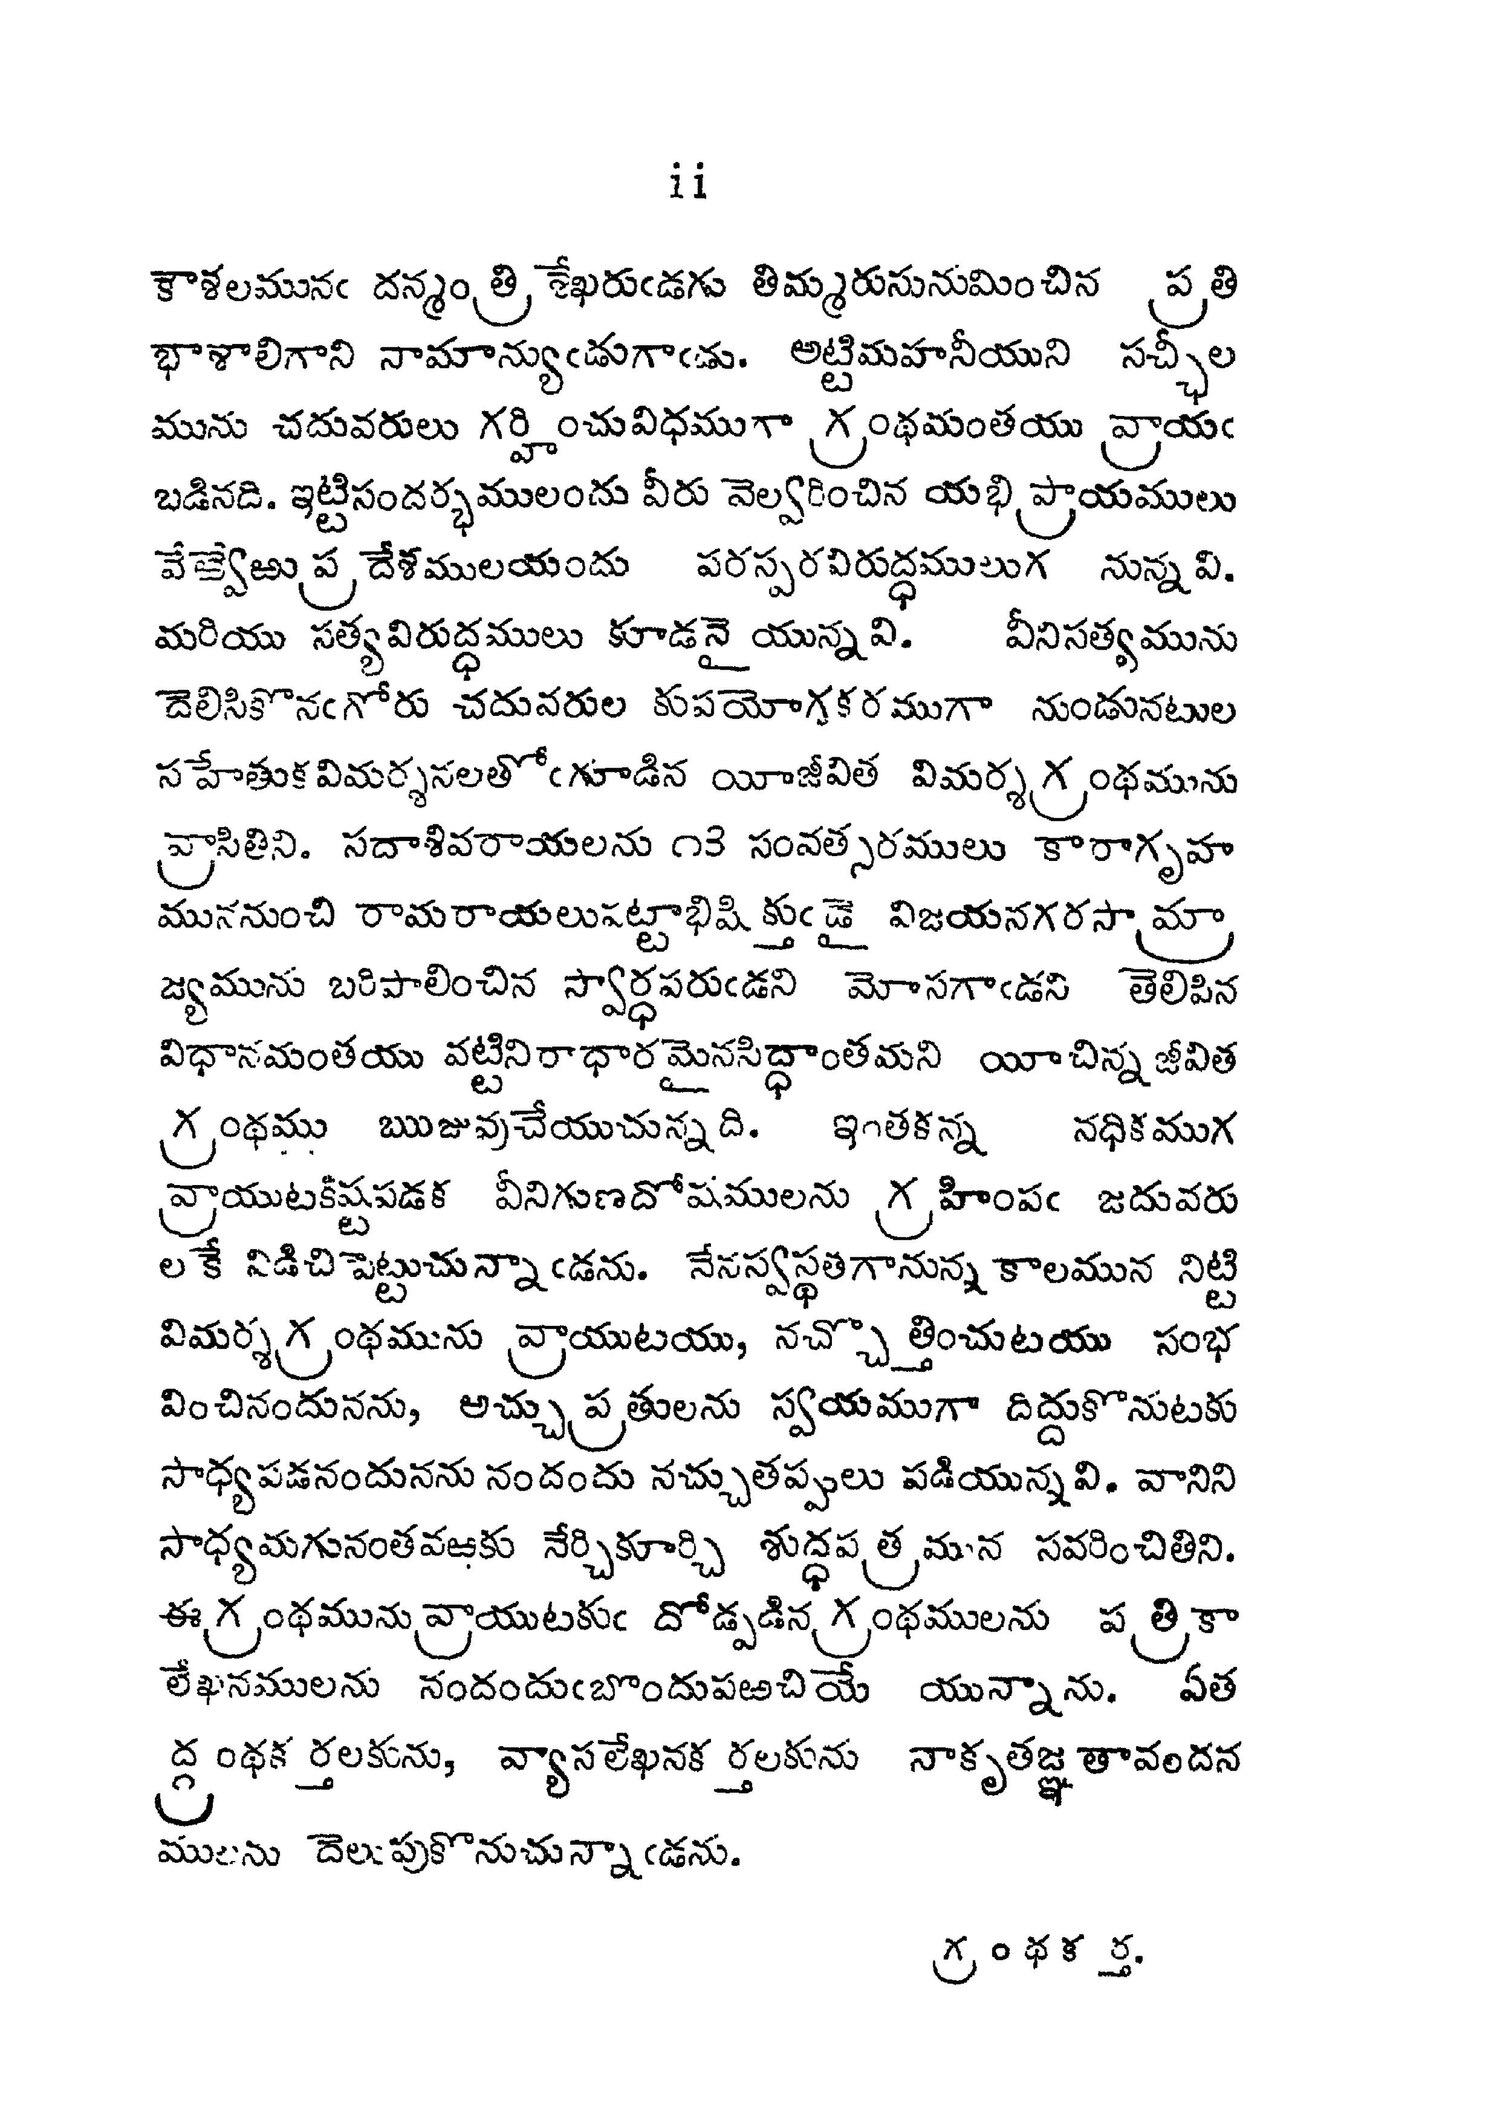కౌశలమున దన్మంత్రి శేఖరుడగు తిమ్మరుసును మించిన ప్రతిభాశాలిగాని సామాన్యుడు గాడు. అట్టి మహనీయుని సచ్చీలమును చదువరులు గర్హించు విధముగా గ్రంథమంతయు వ్రాయబడినది. ఇట్టి సందర్భములందు వీరు వెల్వరించిన యభిప్రాయములు వేఱ్వేఱు ప్రదేశములయందు పరస్పర విరుద్ధములుగ నున్నవి. మరియు సత్యవిరుద్ధములు కూడనై యున్నవి. వీని సత్యమును దెలిసికొనగోరు చదువరుల కుపయోగకరముగా నుండునటుల సహేతుక విమర్శనలతో గూడిన యీ జీవిత విమర్శ గ్రంథమును వ్రాసితిని. సదాశివరాయలను 13 సంవత్సరములు కారాగృహమున నుంచి రామరాయలు పట్టాభిషిక్తుడై విజయనగర సామ్రాజ్యమును బరిపాలించిన స్వార్థపరుడని మోసగాడని తెలిపిన విధానమంతయు వట్టి నిరాధారమైన సిద్ధాంతమని యీచిన్న జీవిత గ్రంథము ఋజువు చేయుచున్నది. ఇంతకన్న నధికముగ వ్రాయుట కిష్టపడక వీని గుణదోషములను గ్రహింప జదువరులకే విడిచిపెట్టుచున్నాడను. నేనస్వస్థగానున్న కాలమున నిట్టి విమర్శ గ్రంథమును వ్రాయుటయు, నచ్చొంత్తించుటయు సంభవించినందునను, అచ్చుప్రతులను స్వయముగా దిద్దుకొనుటకు సాధ్యపడనందునను నందందు నచ్చుతప్పులు పడియున్నవి. వానిని సాధ్యమగునంత వఱకు నేర్చికూర్చి శుద్ధపత్రమున సవరించితిని. ఈ గ్రంథమును వ్రాయుటకు దోడ్పడిన గ్రంథములను పత్రికా లేఖనములను నందందు బొందుపఱచియే యున్నాను. ఏతత్గ్రంథకర్తలకును, వ్యాసలేఖనకర్తలకును నాకృతజ్ఞతావందనములను దెలుపుకొనుచున్నాడను. 

గ్రంథకర్త.